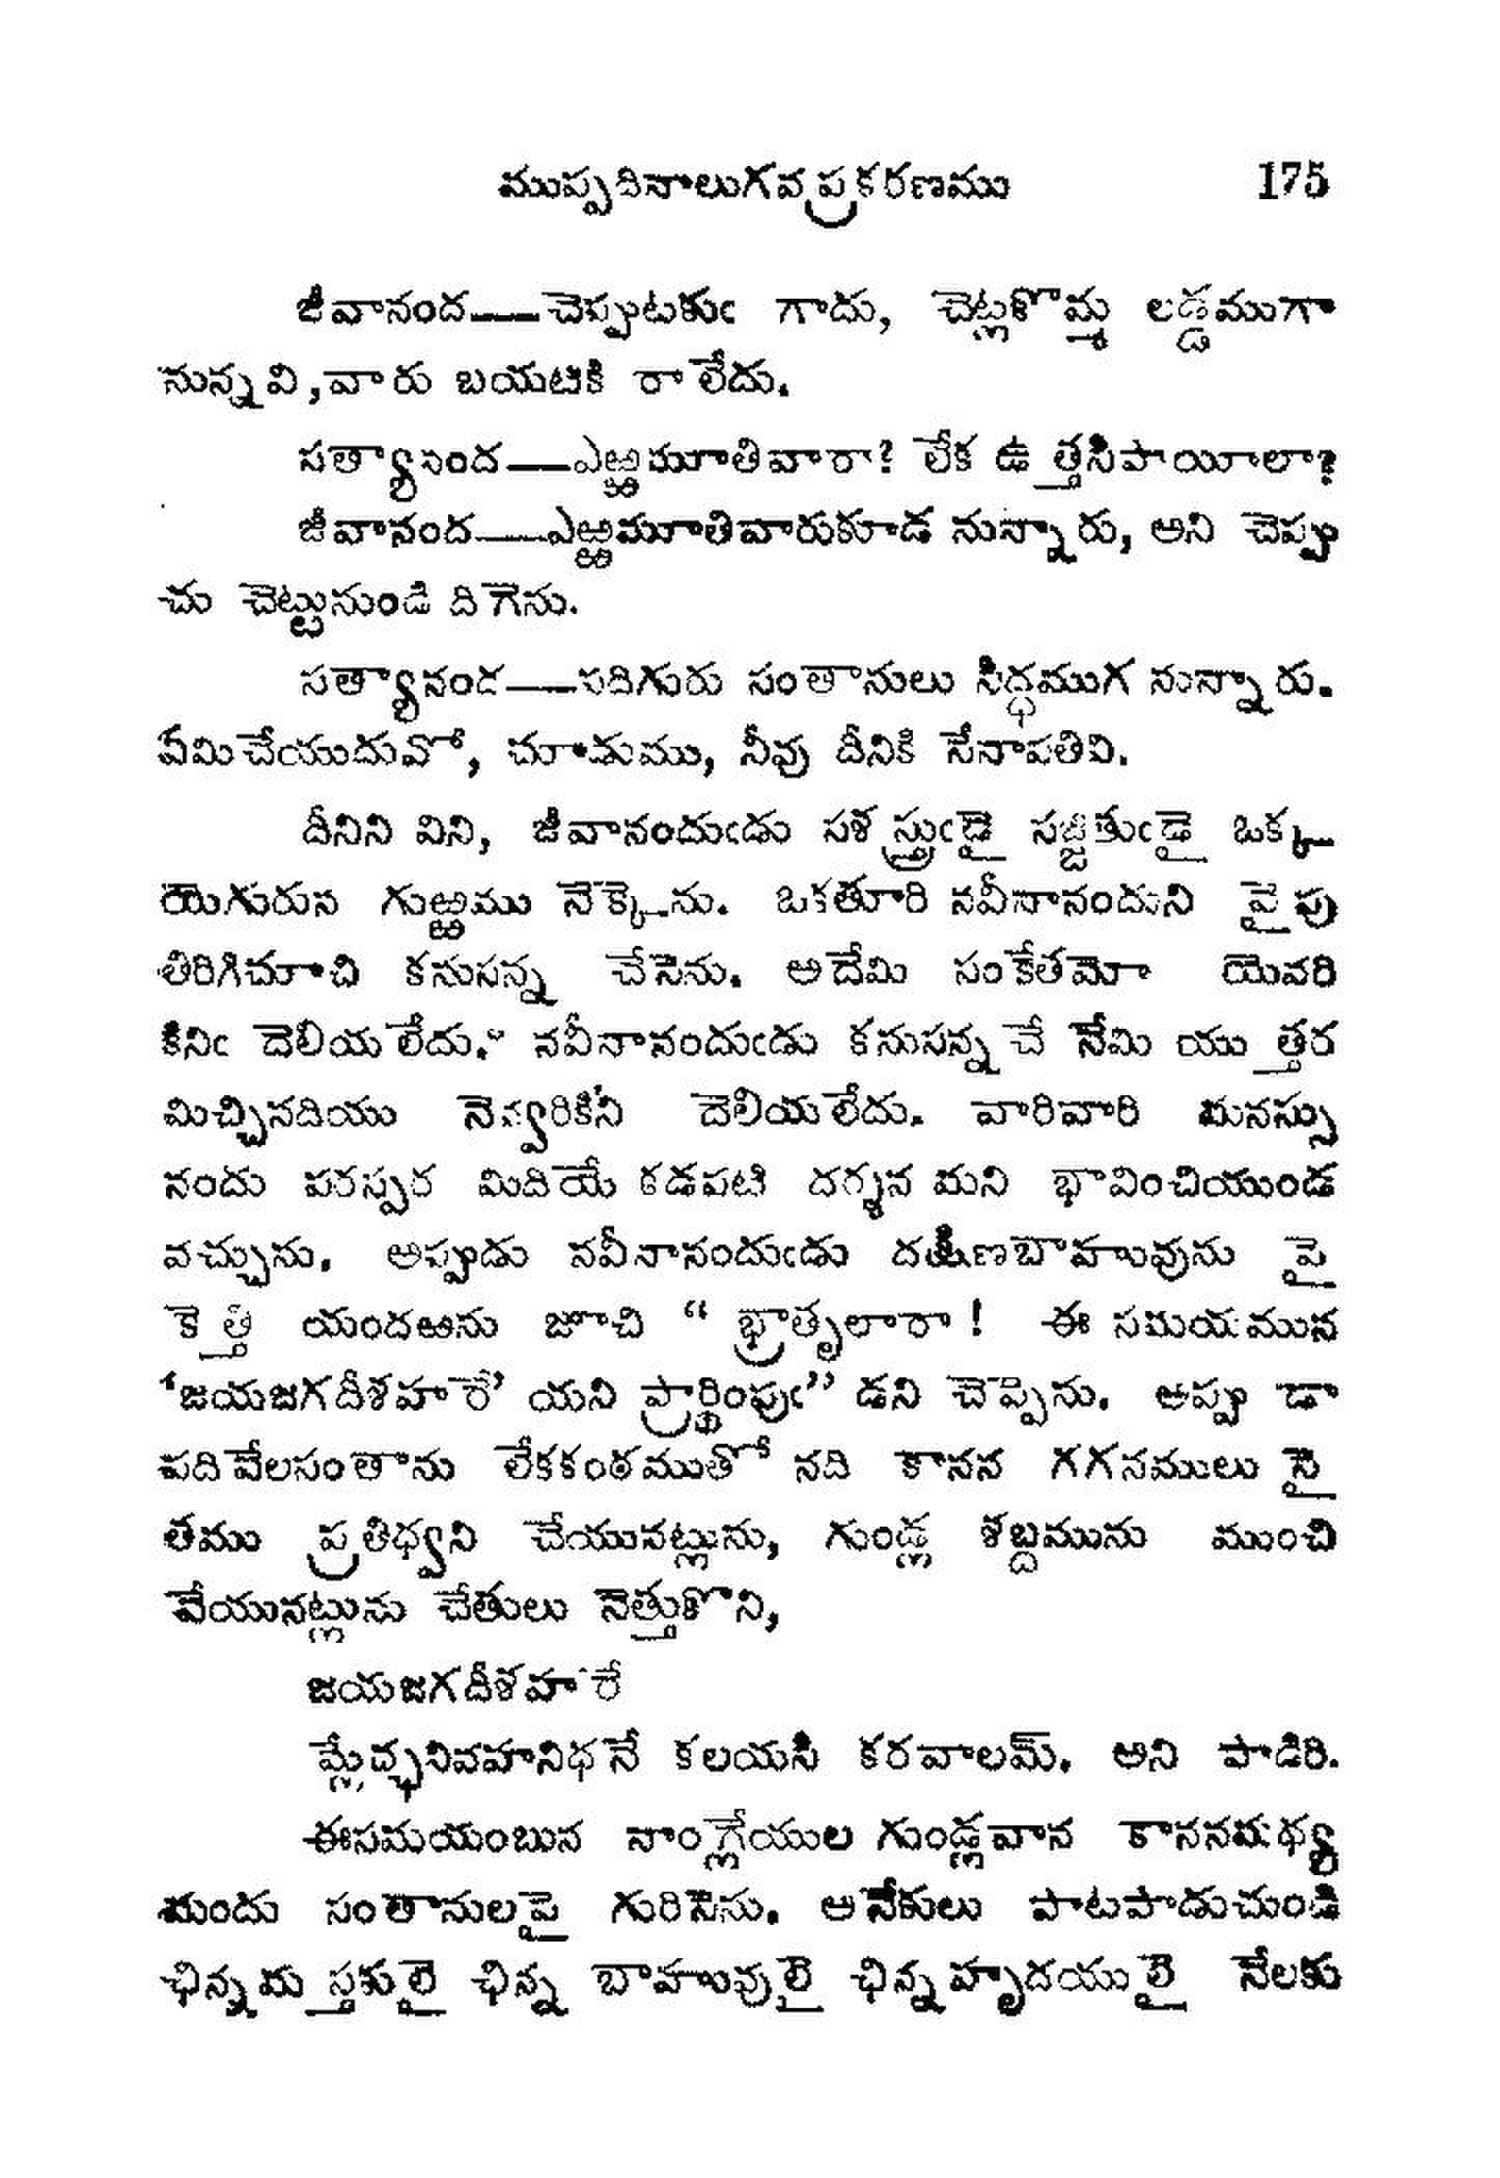జీవానంద—— చెప్పుటకుఁ గాదు, చెట్లకొమ్మ లడ్డముగా
నున్నవి, వారు బయటికి రాలేదు.

సత్యానంద—— ఎఱ్ఱ మూతివారా? లేక ఉత్తసిపాయీలా?

జీవానంద——ఎఱ్ఱమూతివారుకూడ నున్నారు, అని చెప్పుచు చెట్టునుండి దిగెను.

సత్యానంద——పదిగురు సంతానులు సిద్ధముగ నున్నారు. ఏమి చేయుదువో, చూడుము, నీవు దీనికి సేనాపతివి.

దీనిని విని, జీవానందుఁడు సశస్త్రుఁడై సజ్జితుఁడై ఒక్క యెగురున గుఱ్ఱము నెక్కెను. ఒకతూరి నవీనానందుని వైపు
తిరిగిచూచి కనుసన్న చేసెను. అదేమి సంకేతమో యెవరికినిఁ దెలియ లేదు.” నవీనానందుఁడు కనుసన్న చే నేమి యుత్తర మిచ్చినదియు నెవ్వరికిని దెలియ లేదు. వారివారి మనస్సు నందు పరస్పర మిదియే కడపటి దర్శన మని భావించియుండ వచ్చును. అప్పుడు నవీనానందుఁడు దక్షిణబాహువును పైకేత్తి యందఱను జూచి "భ్రాతృలారా ! ఈ సమయమున“జయజగదీశ హరే' యని ప్రార్థింపు" డని చెప్పెను. అప్పుడా పది వేలసంతాను లేకకంఠముతో నది కానన గగనములు సైతము ప్రతిధ్వని చేయునట్లును, గుండ్ల శబ్దమును ముంచి వేయునట్లును చేతులు నెత్తుకొని,

జయజగదీశహరే
మ్లేచ్చనివహనిధ నే కలయసి కరవాలమ్. అని పాడిరి.
ఈసమయంబున నాంగ్లేయుల గుండ్ల వాన కాననమధ్య మందు సంతానులపై గురిసెను. అనేకులు పాటపాడుచుండి
ఛిన్నమస్తకులై ఛిన్న బాహువులై ఛిన్న హృదయులై నేలకు